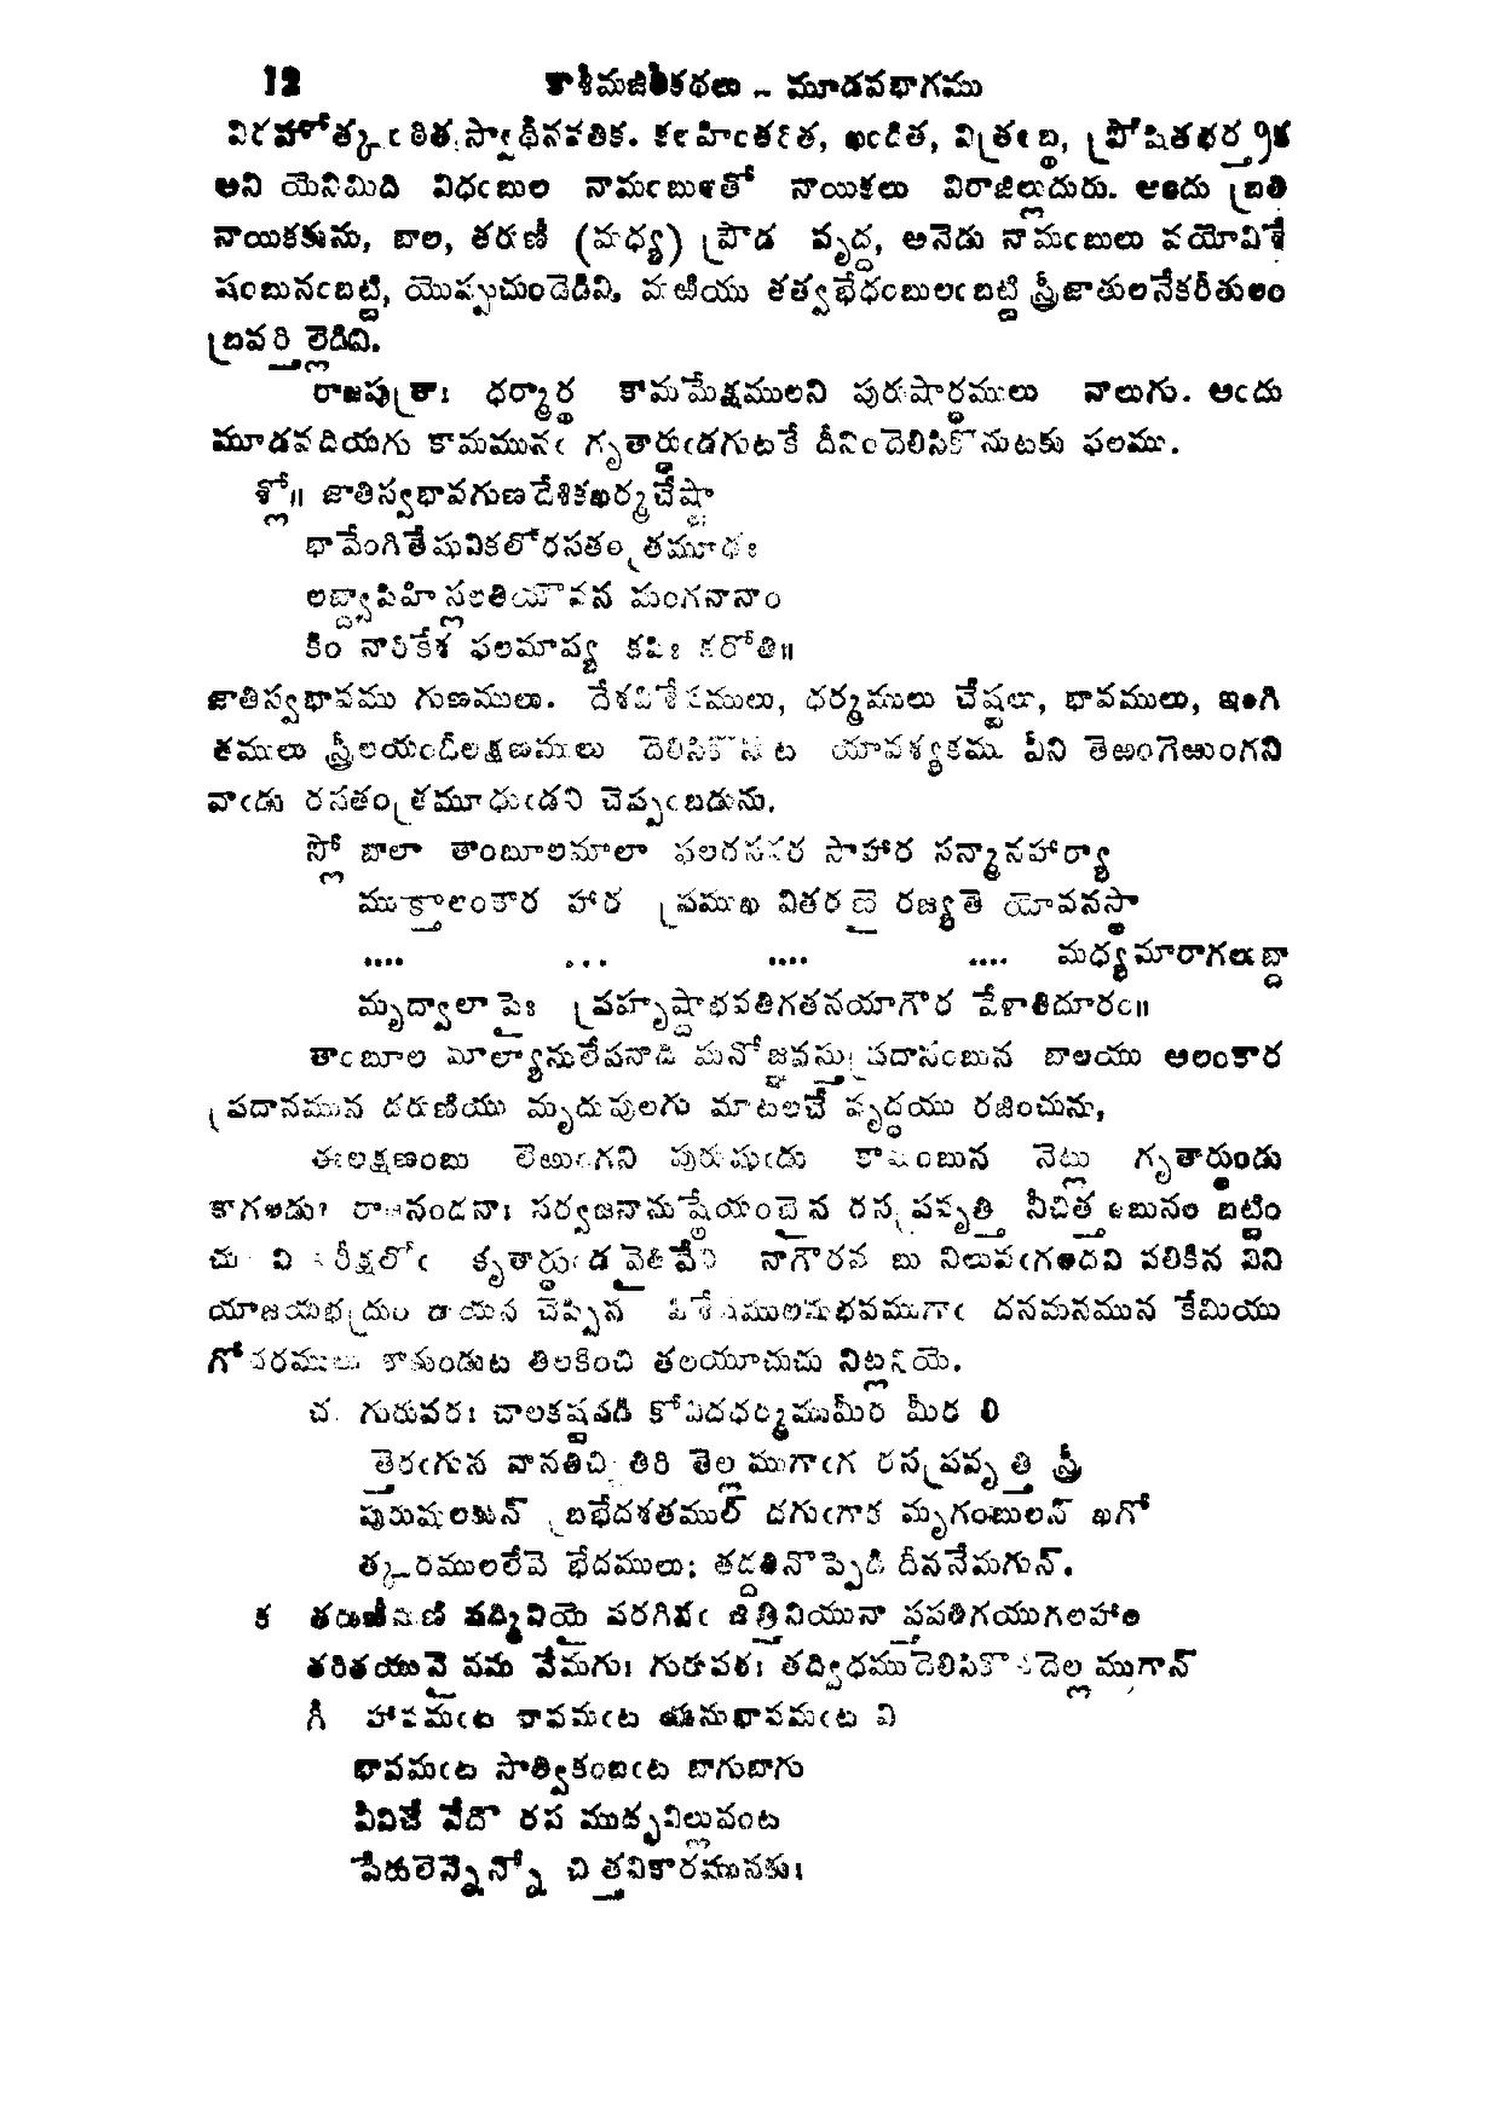విరహోత్కంఠిత, స్వాధీనపతిక. కలహింతరిత, ఖండిత, విత్రలబ్ధ, ప్రోషితభర్తృక అని యెనిమిది విధంబుల నామంబులతో నాయికలు విరాజిల్లుదురు. అందు బ్రతినాయికకును, బాల, తరుణీ (మధ్య) ప్రౌఢ వృద్ద, అనెడు నామంబులు వయోవిశేషంబునంబట్టి, యెప్పుచుండెడివి. మఱియు తత్వభేధంబులఁబట్టి స్త్రీజాతు లనేకరీతులం బ్రవర్తిల్లెడివి.

రాజపుత్రా! ధర్మార్థ కామమోక్షములని పురుషార్ధములు నాలుగు. అందు మూడవదియగు కామమునఁ గృతార్థుఁడగుటకే దీనిందెలిసికొనుటకు ఫలము.

శ్లో॥ జాతిస్వభావగుణదేశికఖర్మచేష్టా
 భావేంగితేషువికలోరసతంత్రమూఢః
 లబ్ధ్వాపిహిస్లలతియౌవన మంగనానాం
 కిం నారికేళ ఫలమాస్య కపిః కరోతి॥
జాతిస్వభావము గుణములు. దేశవిశేషములు, ధర్మములు చేష్టలు, భావములు, ఇంగితములు స్త్రీలయందీలక్షణములు దెలిసికొనుట యావశ్యకము. వీని తెఱంగెఱుంగని వాఁడు రసతంత్రమూఢుఁడని చెప్పఁబడును.

శ్లో. బాలా తాంబూలమాలా ఫలరసవర సాహార సన్మానహార్యా
 ముక్తాలంకార హార ప్రముఖ వితరణై రజ్యతె యోవనస్థా
 ....... ......... .......... ........ ......... ........ మధ్యమారాగలుబ్దా
 మృద్వాలాపైః ప్రహృష్టాభవతిగతనయాగౌర వేళాతిదూరం॥
తాంబూలమాల్యానులేపనాది మనోజ్ఞవస్తుప్రదానంబున బాలయు అలంకారప్రదానమున దరణియు మృదువులగు మాటలచే వృద్ధయు రజించును.

ఈ లక్షణంబు లెఱుంగని పురుషుఁడు కామంబున నెట్లు గృతార్థుండు కాగలడు? రాజనందనా! సర్వజనానుష్ఠేయంబైన రసపవృత్తి నీచిత్తంబునం బట్టించుచు నీ పరీక్షలోఁ కృతార్థుండవైతివేని నాగౌరవంబు నిలువఁగలదని పలికిన విని యాజయభద్రుం డాయన చెప్పిన విశేషము లనుభవముగాఁ దనమనమున కేమియు గోచరములు కాకుండుట తిలకించి తలయూచుచు నిట్లనియె.

చ. గురువర! చాలకష్టపడి కోవిదధర్మముమీర మీర లి
 త్తెరఁగున నానతిచ్చితిరి తెల్లముగాఁగ రసప్రవృత్తి స్త్రీ
 పురుషలకున్ బ్రభేదశతముల్ దగుఁగాక మృగంబులన్ ఖగో
 త్కరములలేవె భేదములు: తద్దతినొప్పెడి దీననేమగున్.

క తరుణీమణి పద్మినియై పరగినఁ జిత్తినియు నాప్తపతిగయు గలహాం
 తరితయునైనను నేమగు! గురువర! తద్విధముదెలిసికొనదెల్లముగాన్.

గీ. హావమఁట భావమఁట యనుభావమఁట వి
 భావమఁట సాత్వికంబఁట బాగుబాగు
 వీనిచే నేదొ రస ముద్భవిల్లునంట
 పేరులెన్నెన్నో చిత్తవికారమునకు!